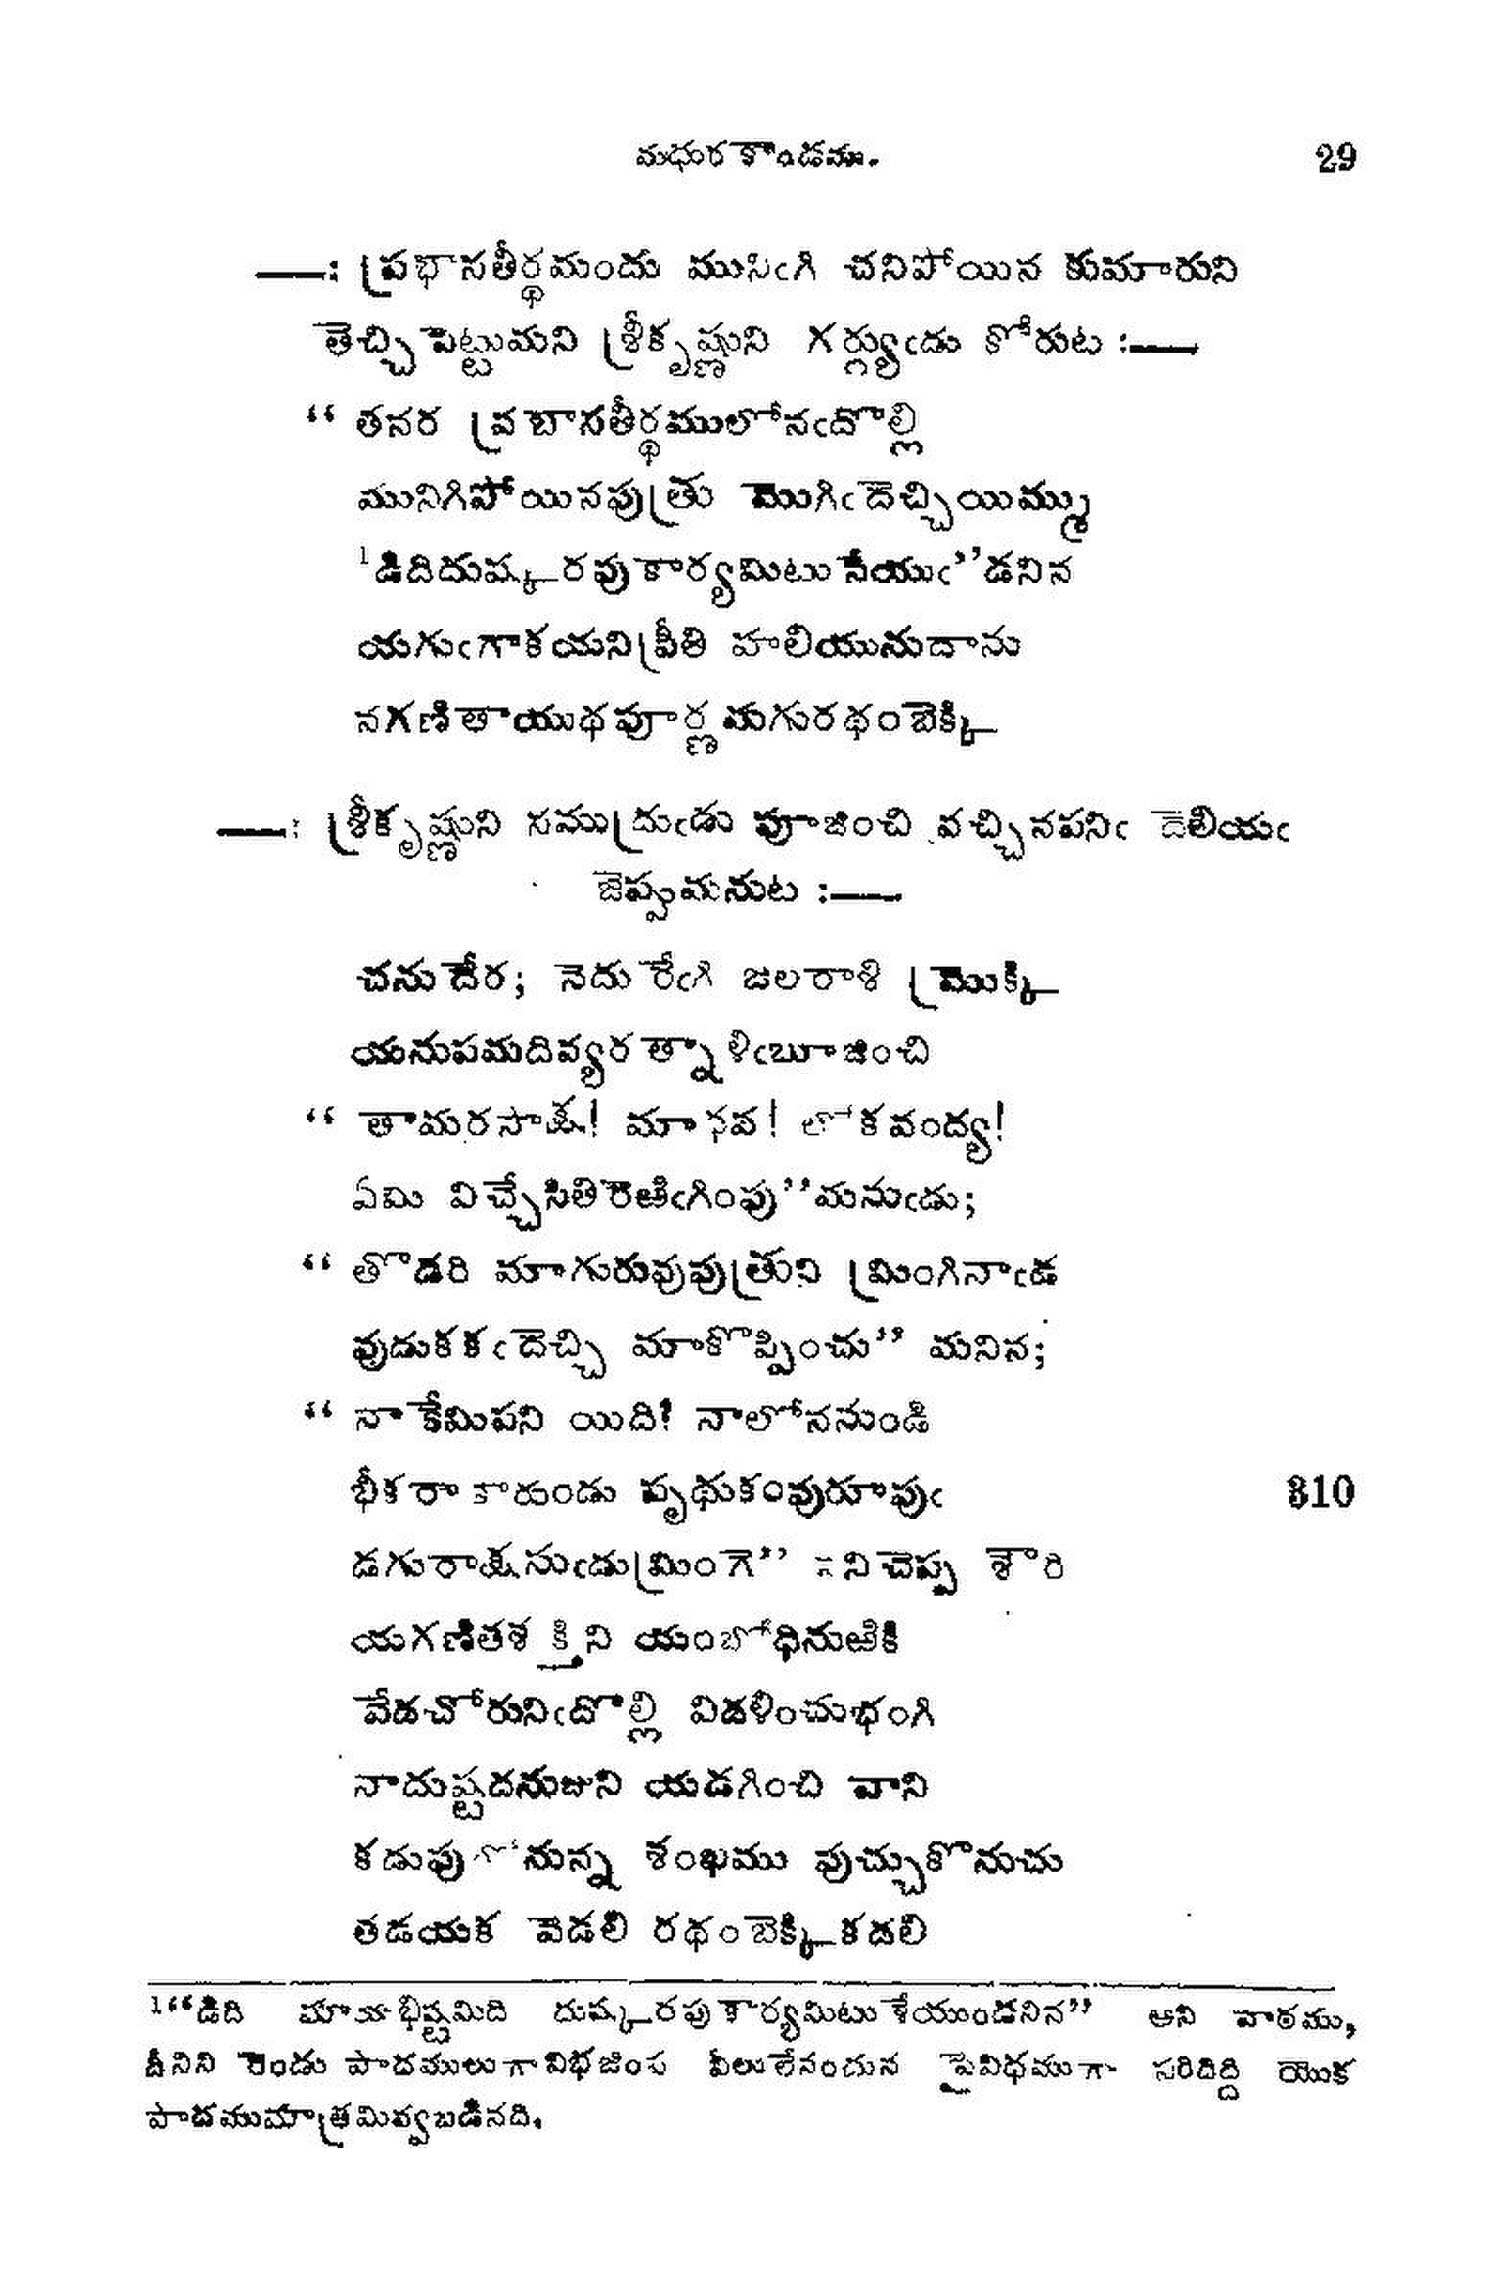“తనర ప్రభాసతీర్థములోనఁ దొల్లి
మునిగిపోయినపుత్రు మొగిఁ దెచ్చియిమ్ము
డిది దుష్కరపుకార్య మిటు సేయుఁ” డనిన
యగుఁగాక యని ప్రీతి హాలియును దాను
నగణితాయుధపూర్ణమగురథం బెక్కి

చను దేర; నెదురేఁగి జలరాశి మ్రొక్కి
యనుపమదివ్యరత్నాళిఁ బూజించి
“తామరసాక్ష! మాధవ! లోకవంద్య!
ఏమి విచ్చేసితి రెఱిఁగింపు” మనుఁడు;
“తొడరి మాగురువుపుత్రుని మ్రింగినాఁడ
వుడుకకఁ దెచ్చి మా కొప్పించు” మనిన;
“నా కేమి పని యిది? నాలోన నుండి
భీకరాకారుండు పృథుకంపురూపుఁ
డగురాక్షసుఁడు మ్రింగె” నని చెప్ప శౌరి
యగణితశక్తిని యంబోధి నుఱికి
వేదచోరునిఁ దొల్లి విదళించుభంగి
నాదుష్టదనుజుని యడగించి వాని
కడుపులోనున్న శంఖము పుచ్చుకొనుచు
తడయక వెడలి రథంబెక్కి కదలి